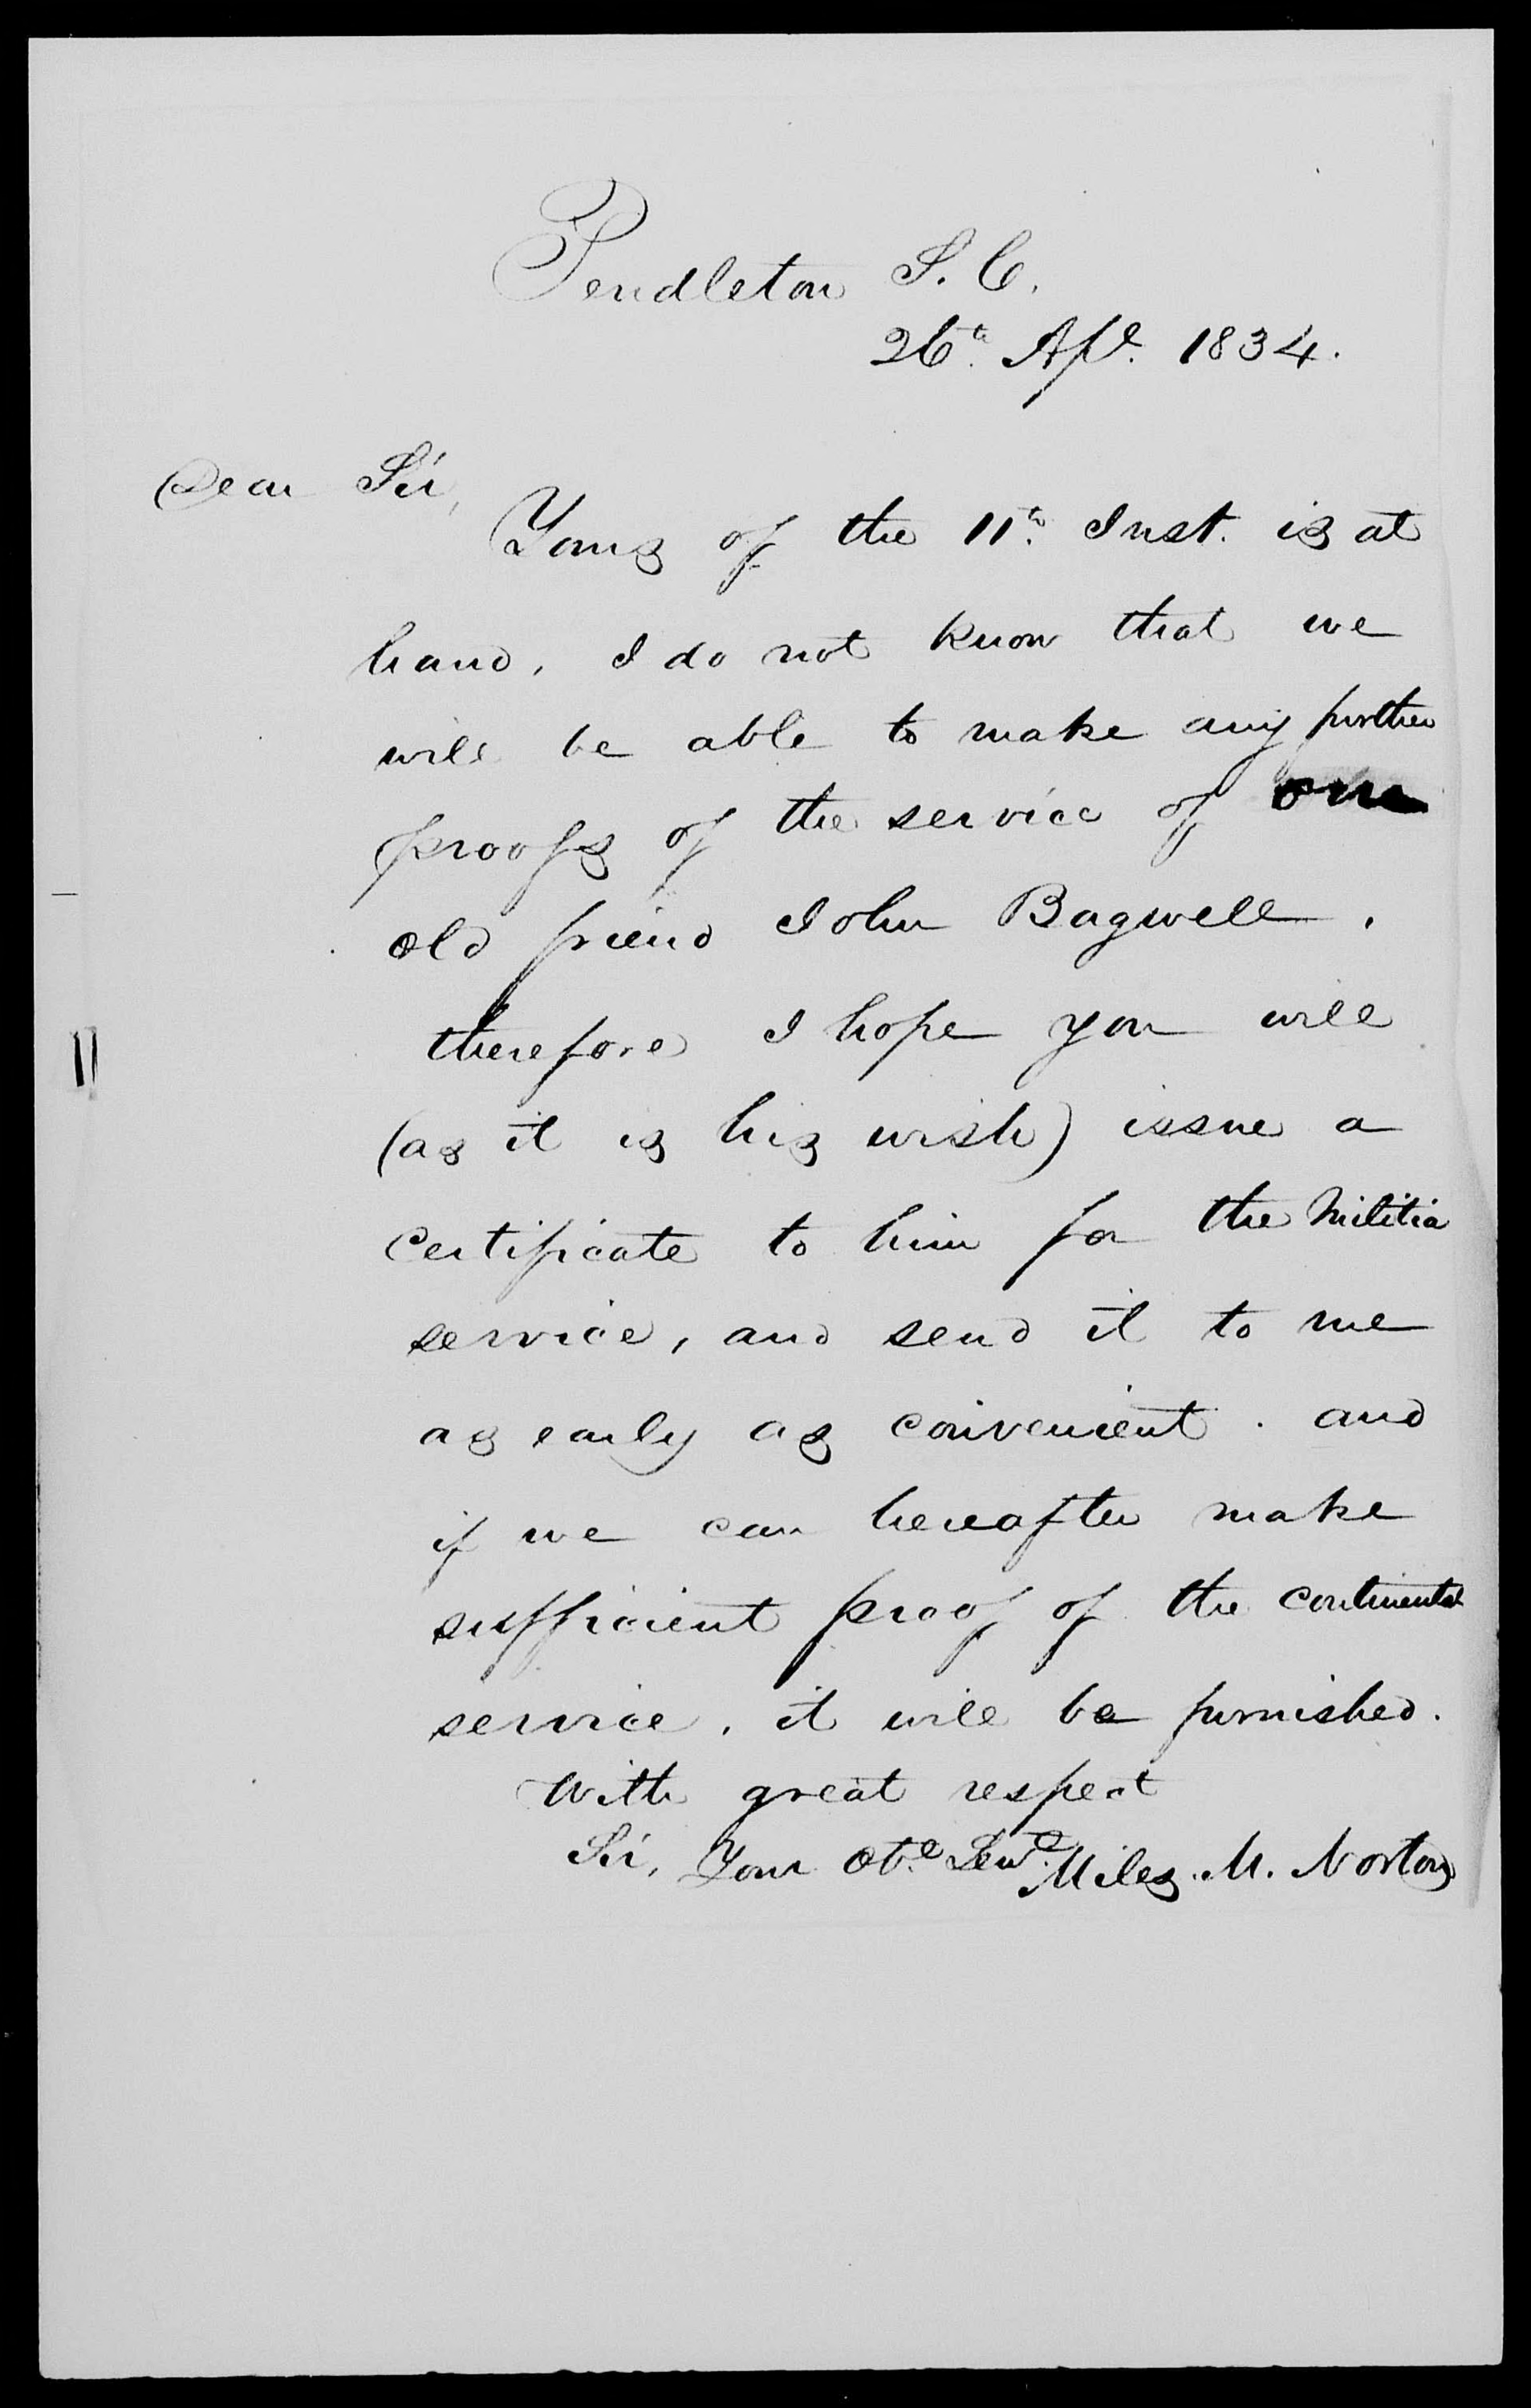Pendleton SC 26th April 1834. Dear Sir, Yours of this 11th Inst is at hand, I do not know that we will be able to make any further proofs of the service of our old friend John Bagwell, therefore I hope you will (as it is his wish) issue a certificate to him for the militia service, and send it to me as early as convenient and if we can hereafter make sufficient proof of the continental service it will be furnished. With great respect sir, your [illegible] Miles M Norton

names: Miles M Norton, John Bagwell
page: 27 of 36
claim: survivor's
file: S 6571, John Bagwell, N.C.